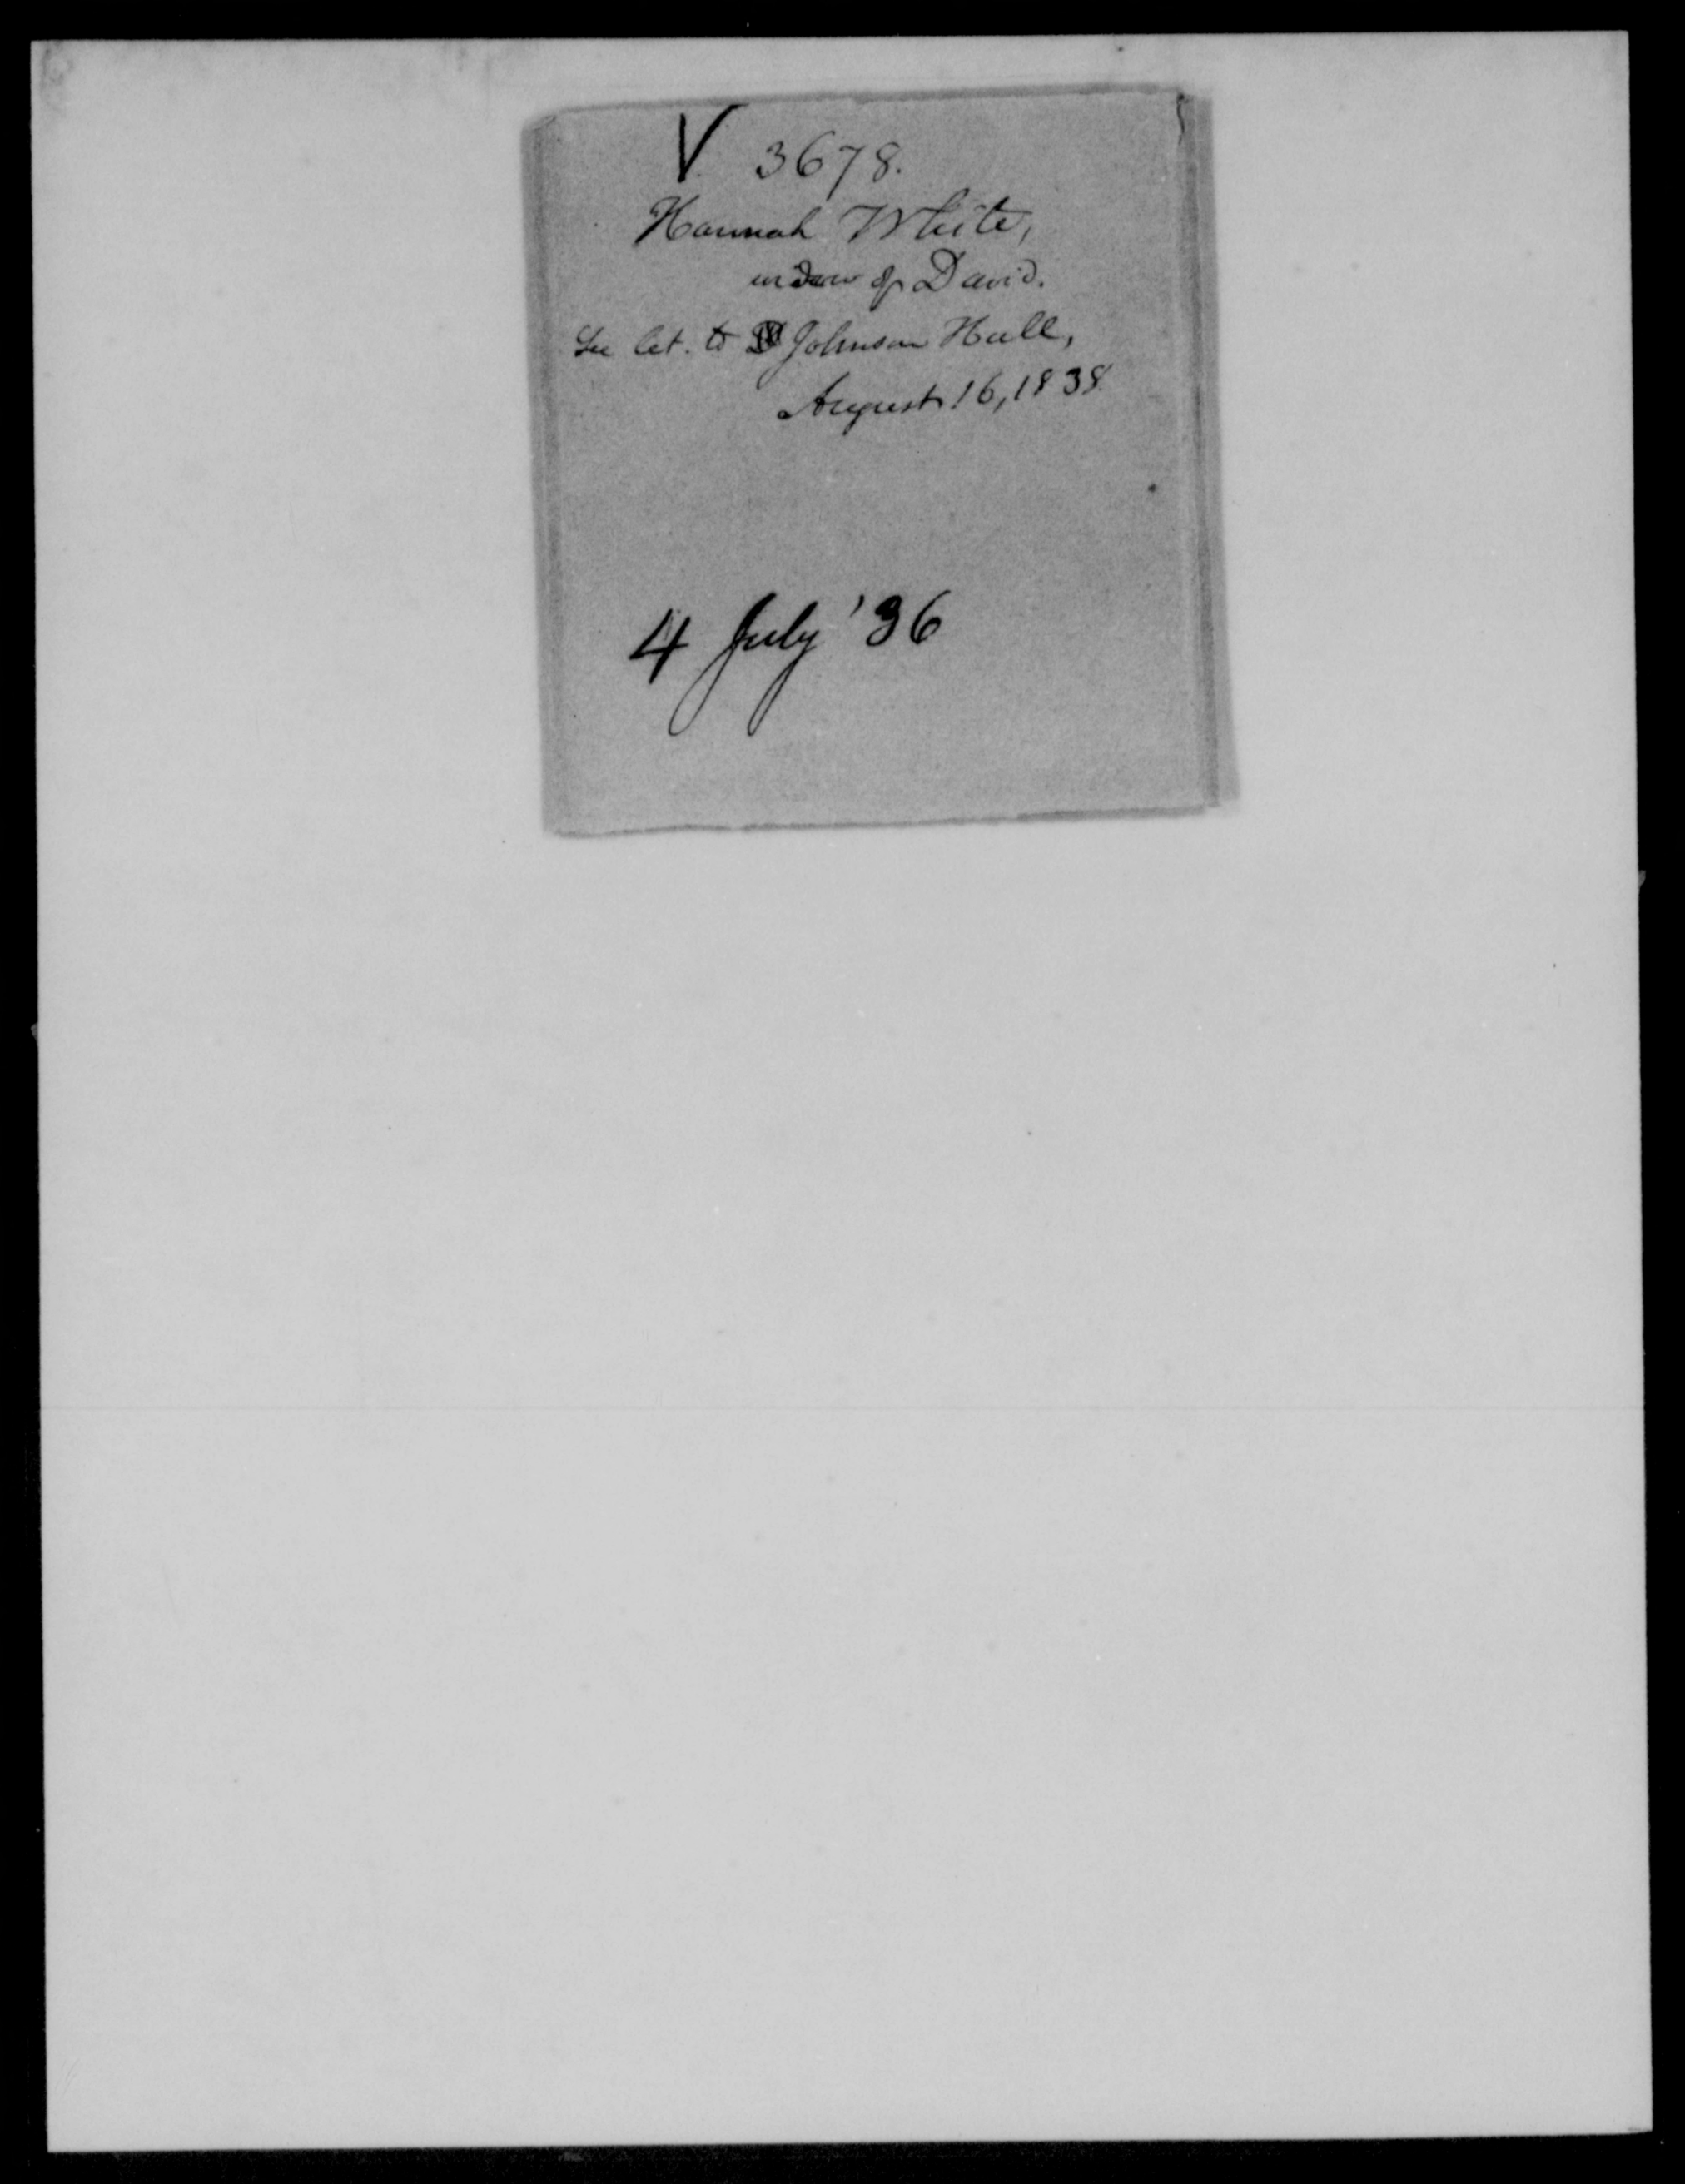V 3678

Hannah White, widow of David. the let. to Johnson Hall, August 16, 1838.

4 July '36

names: David White, Johnson Hall, Hannah White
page: 40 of 63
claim: widow's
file: W. 18403, David White, Conn.